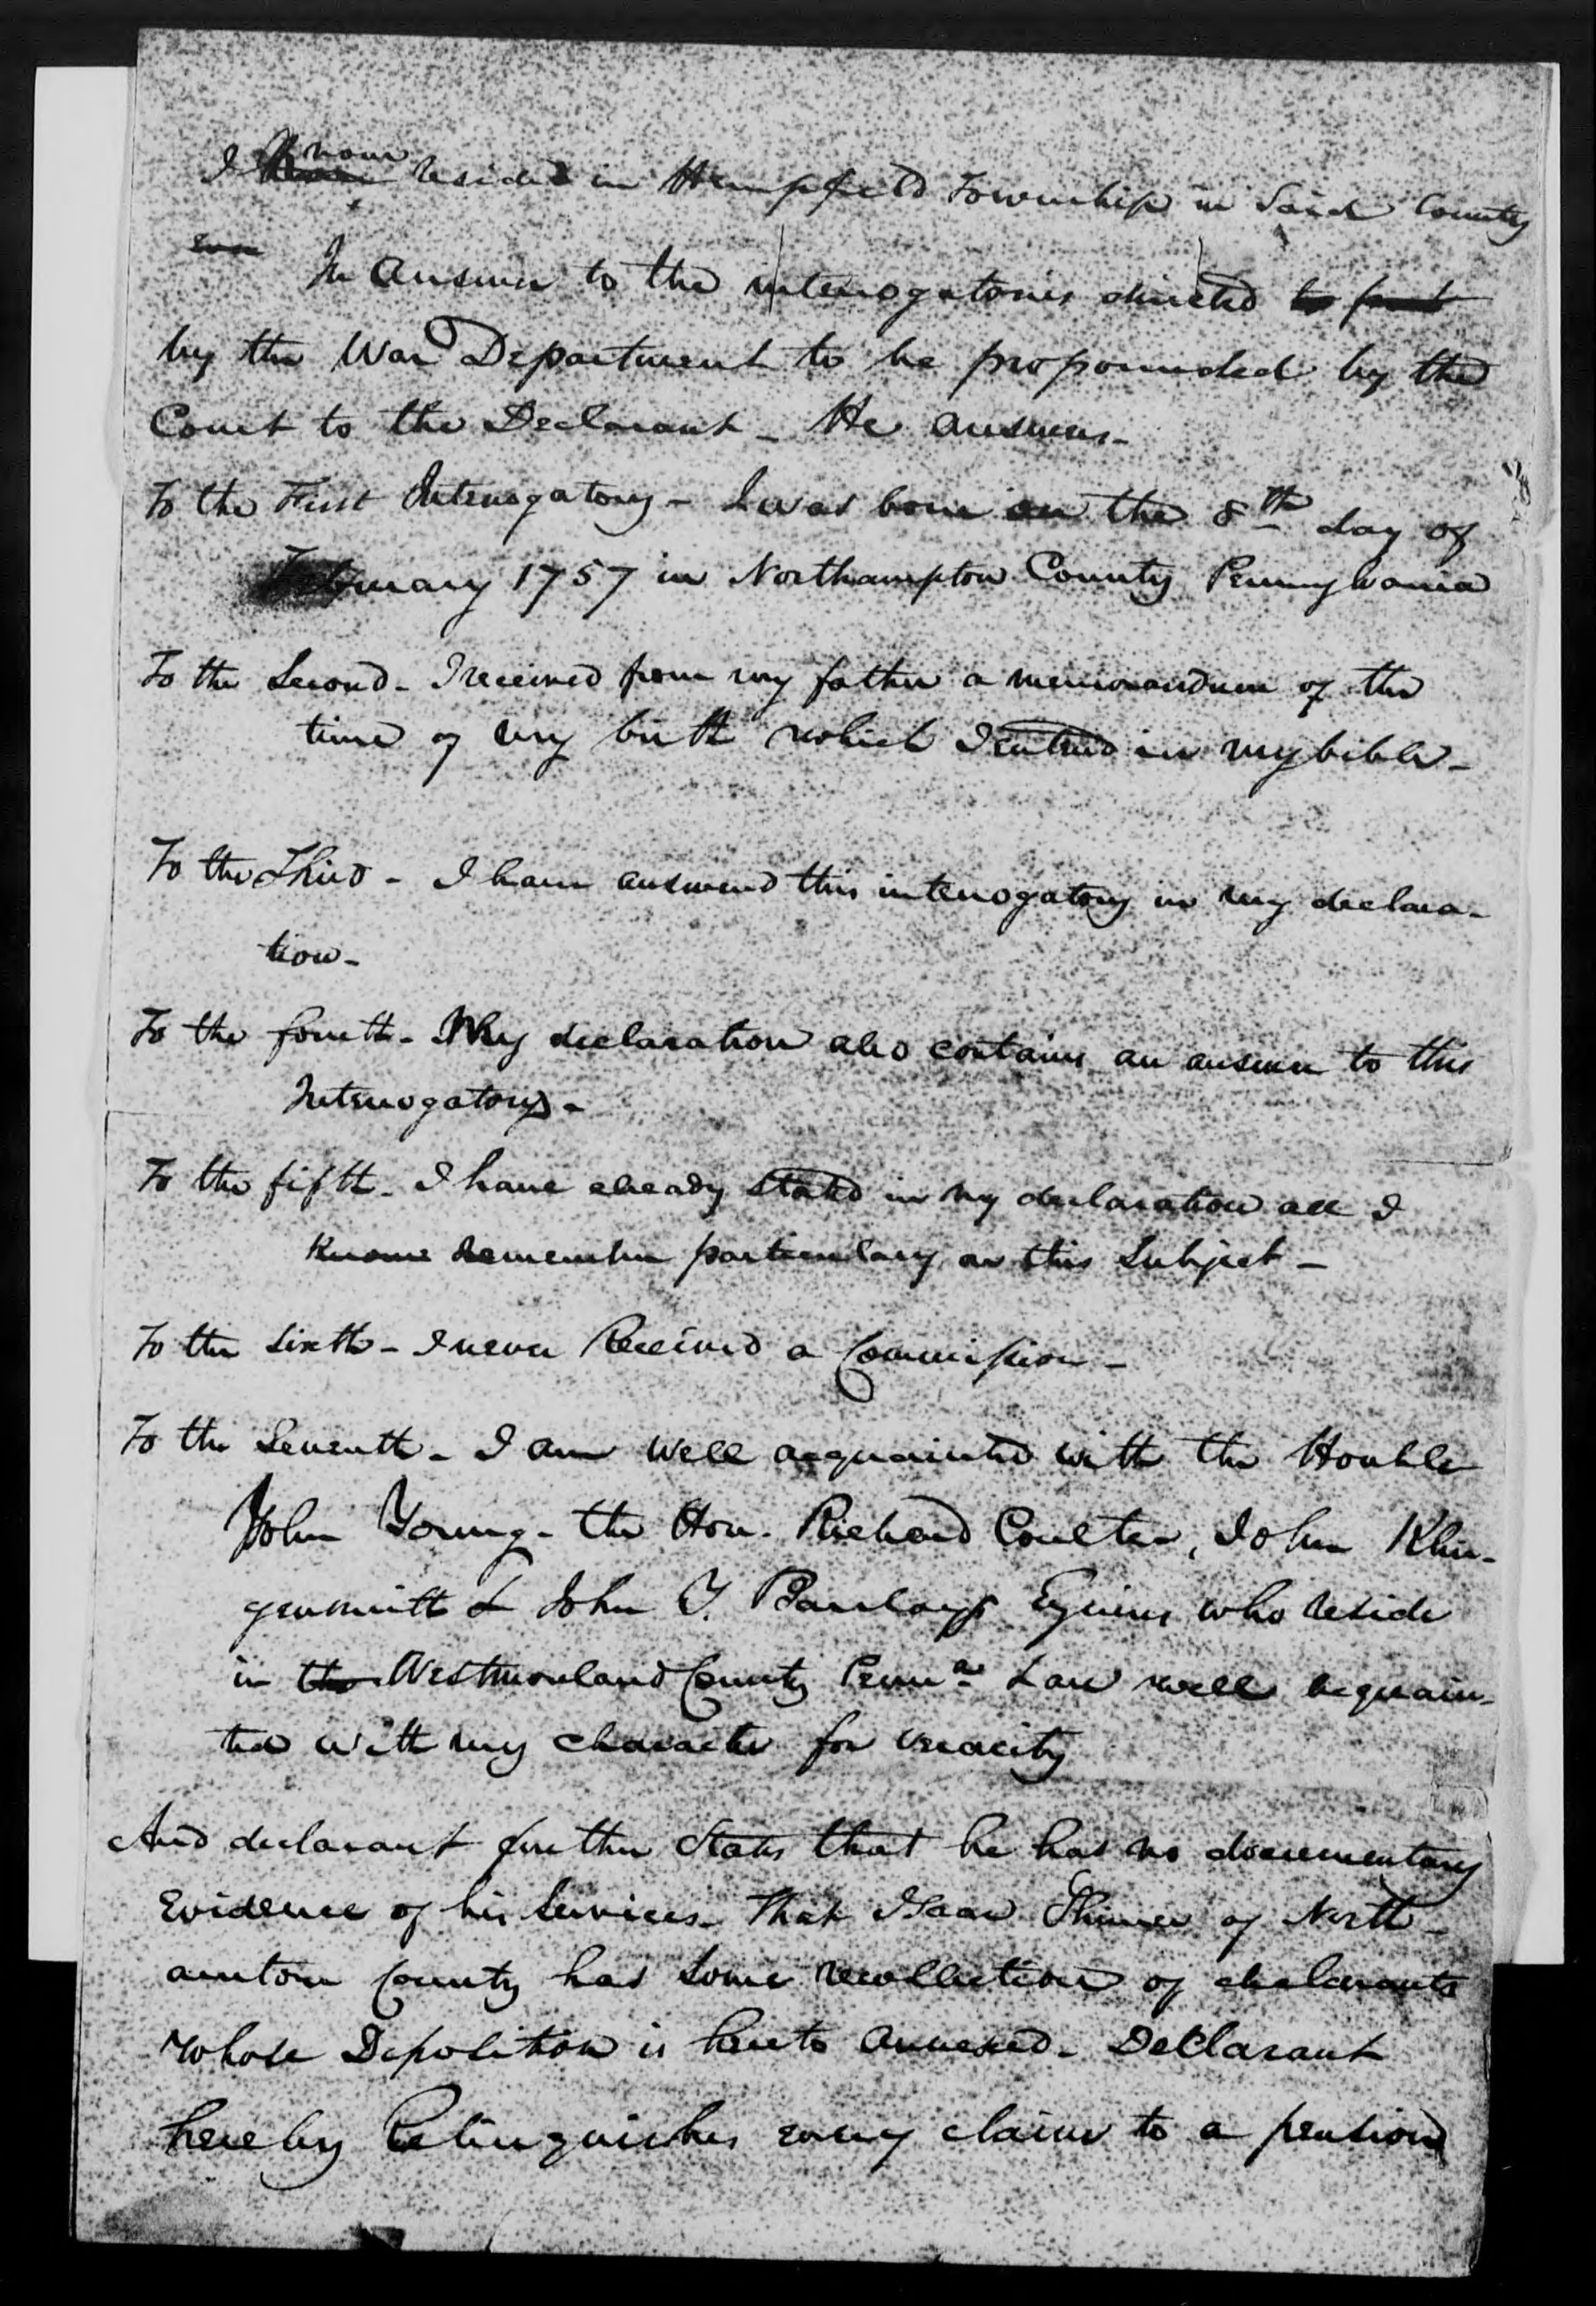I now reside in Hempfield Township in said county.
In answer to the interrogatories directed by the War Department to be propounded by this court to the Declarant. He answers.
To the First Interrogatory - I was born on the 8th day of February 1757 in Northampton County Pennsylvania
To the Second. I received from my father a memorandum of the time of my birth record in my bible.
To the Third. I have answered this interrogatory in my declaration.
To the fourth. My declaration also contains an answer to this interrogatory.
To the fifth. I have already stated in my declaration all I know & remember pertaining on this subject.
To the sixth. I never received a commission.
To the seventh. I am well acquainted with the Honble John Young, the Hon. Richard Coulter, John Klingensmith & John G. Barclay, Esquire who reside in Westmoreland County Penn & are well acquainted with my character for veracity.
And declarant further states that he has no documentary evidence of his services.  That Isaac Skinner of Northampton County has some recollection of declarants whose deposition is hereto annexed. Declarant hereby relinquishes any claims to a pension.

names: Richard Coulter, Isaac Skinner, John T Barclay, John Young, John Klingensmith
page: 7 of 24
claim: survivor's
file: S. 2032, Henry Allshouse, Penn.